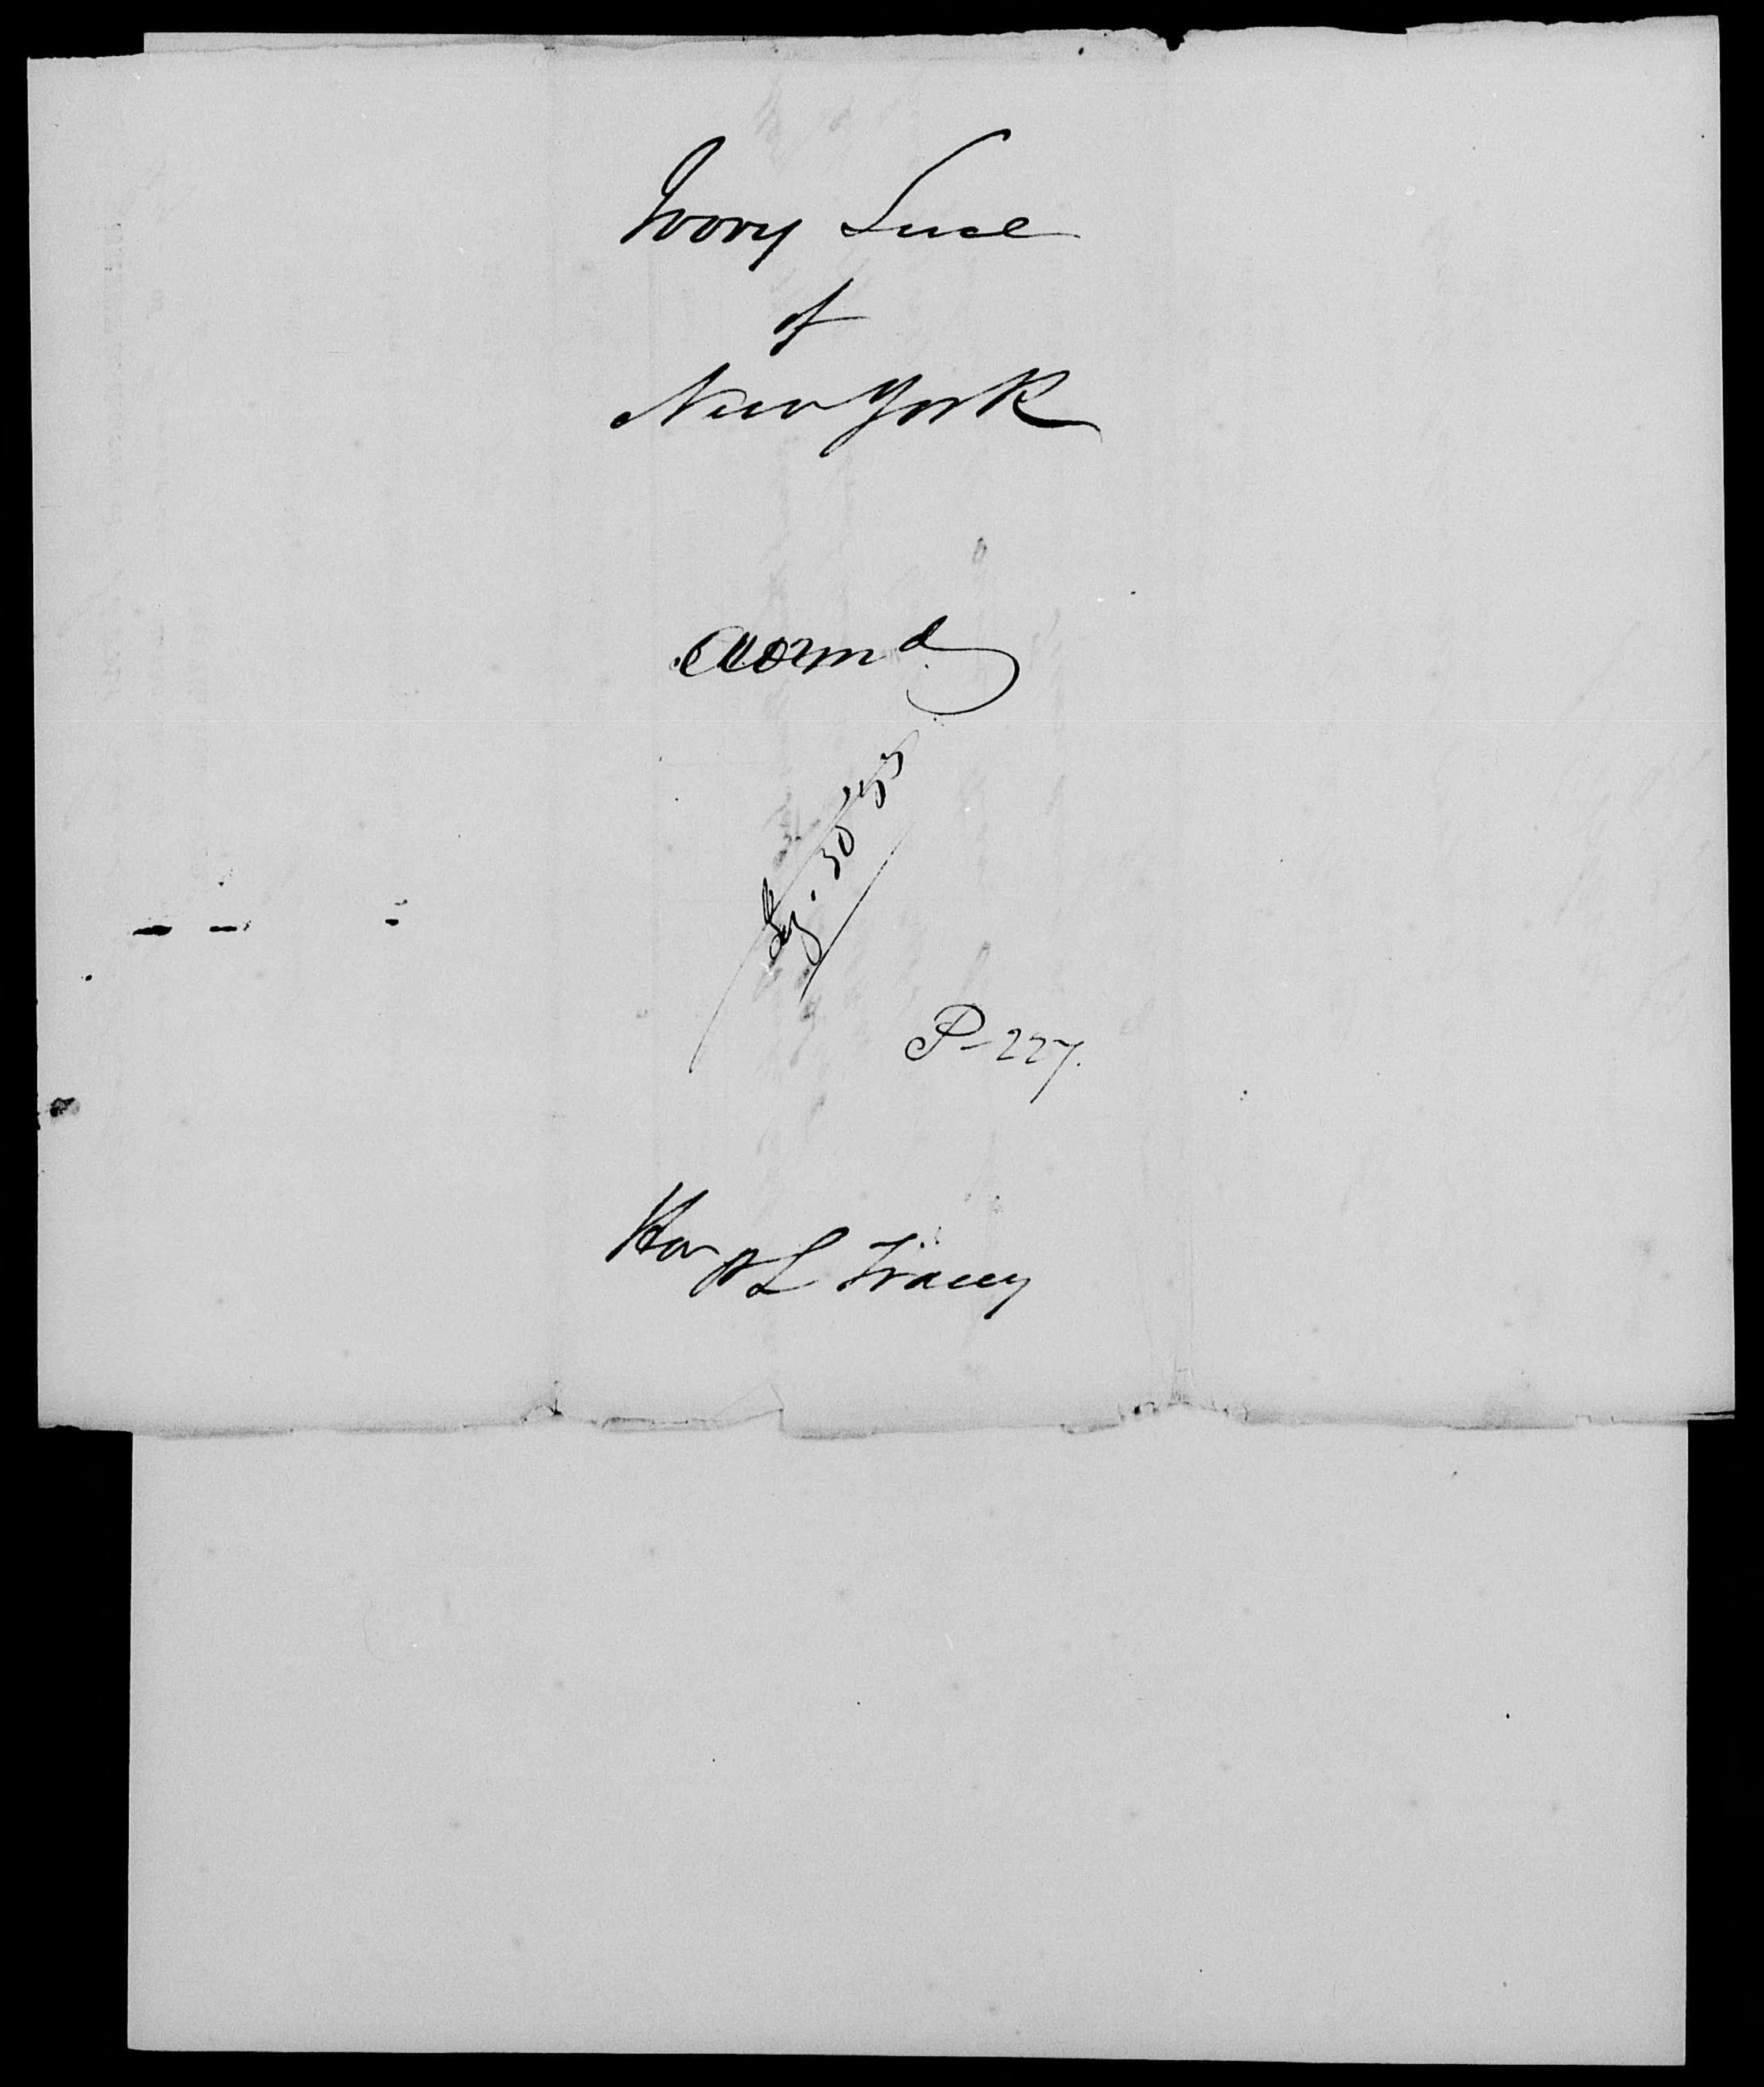Ivory Luce
of New York

aomd

[illegible]

P-277

Hon P L Tracey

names: Ivory Luce; P L Tracey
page: 47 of 70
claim: rejected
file: R. 6510, for Israel Luce, New York